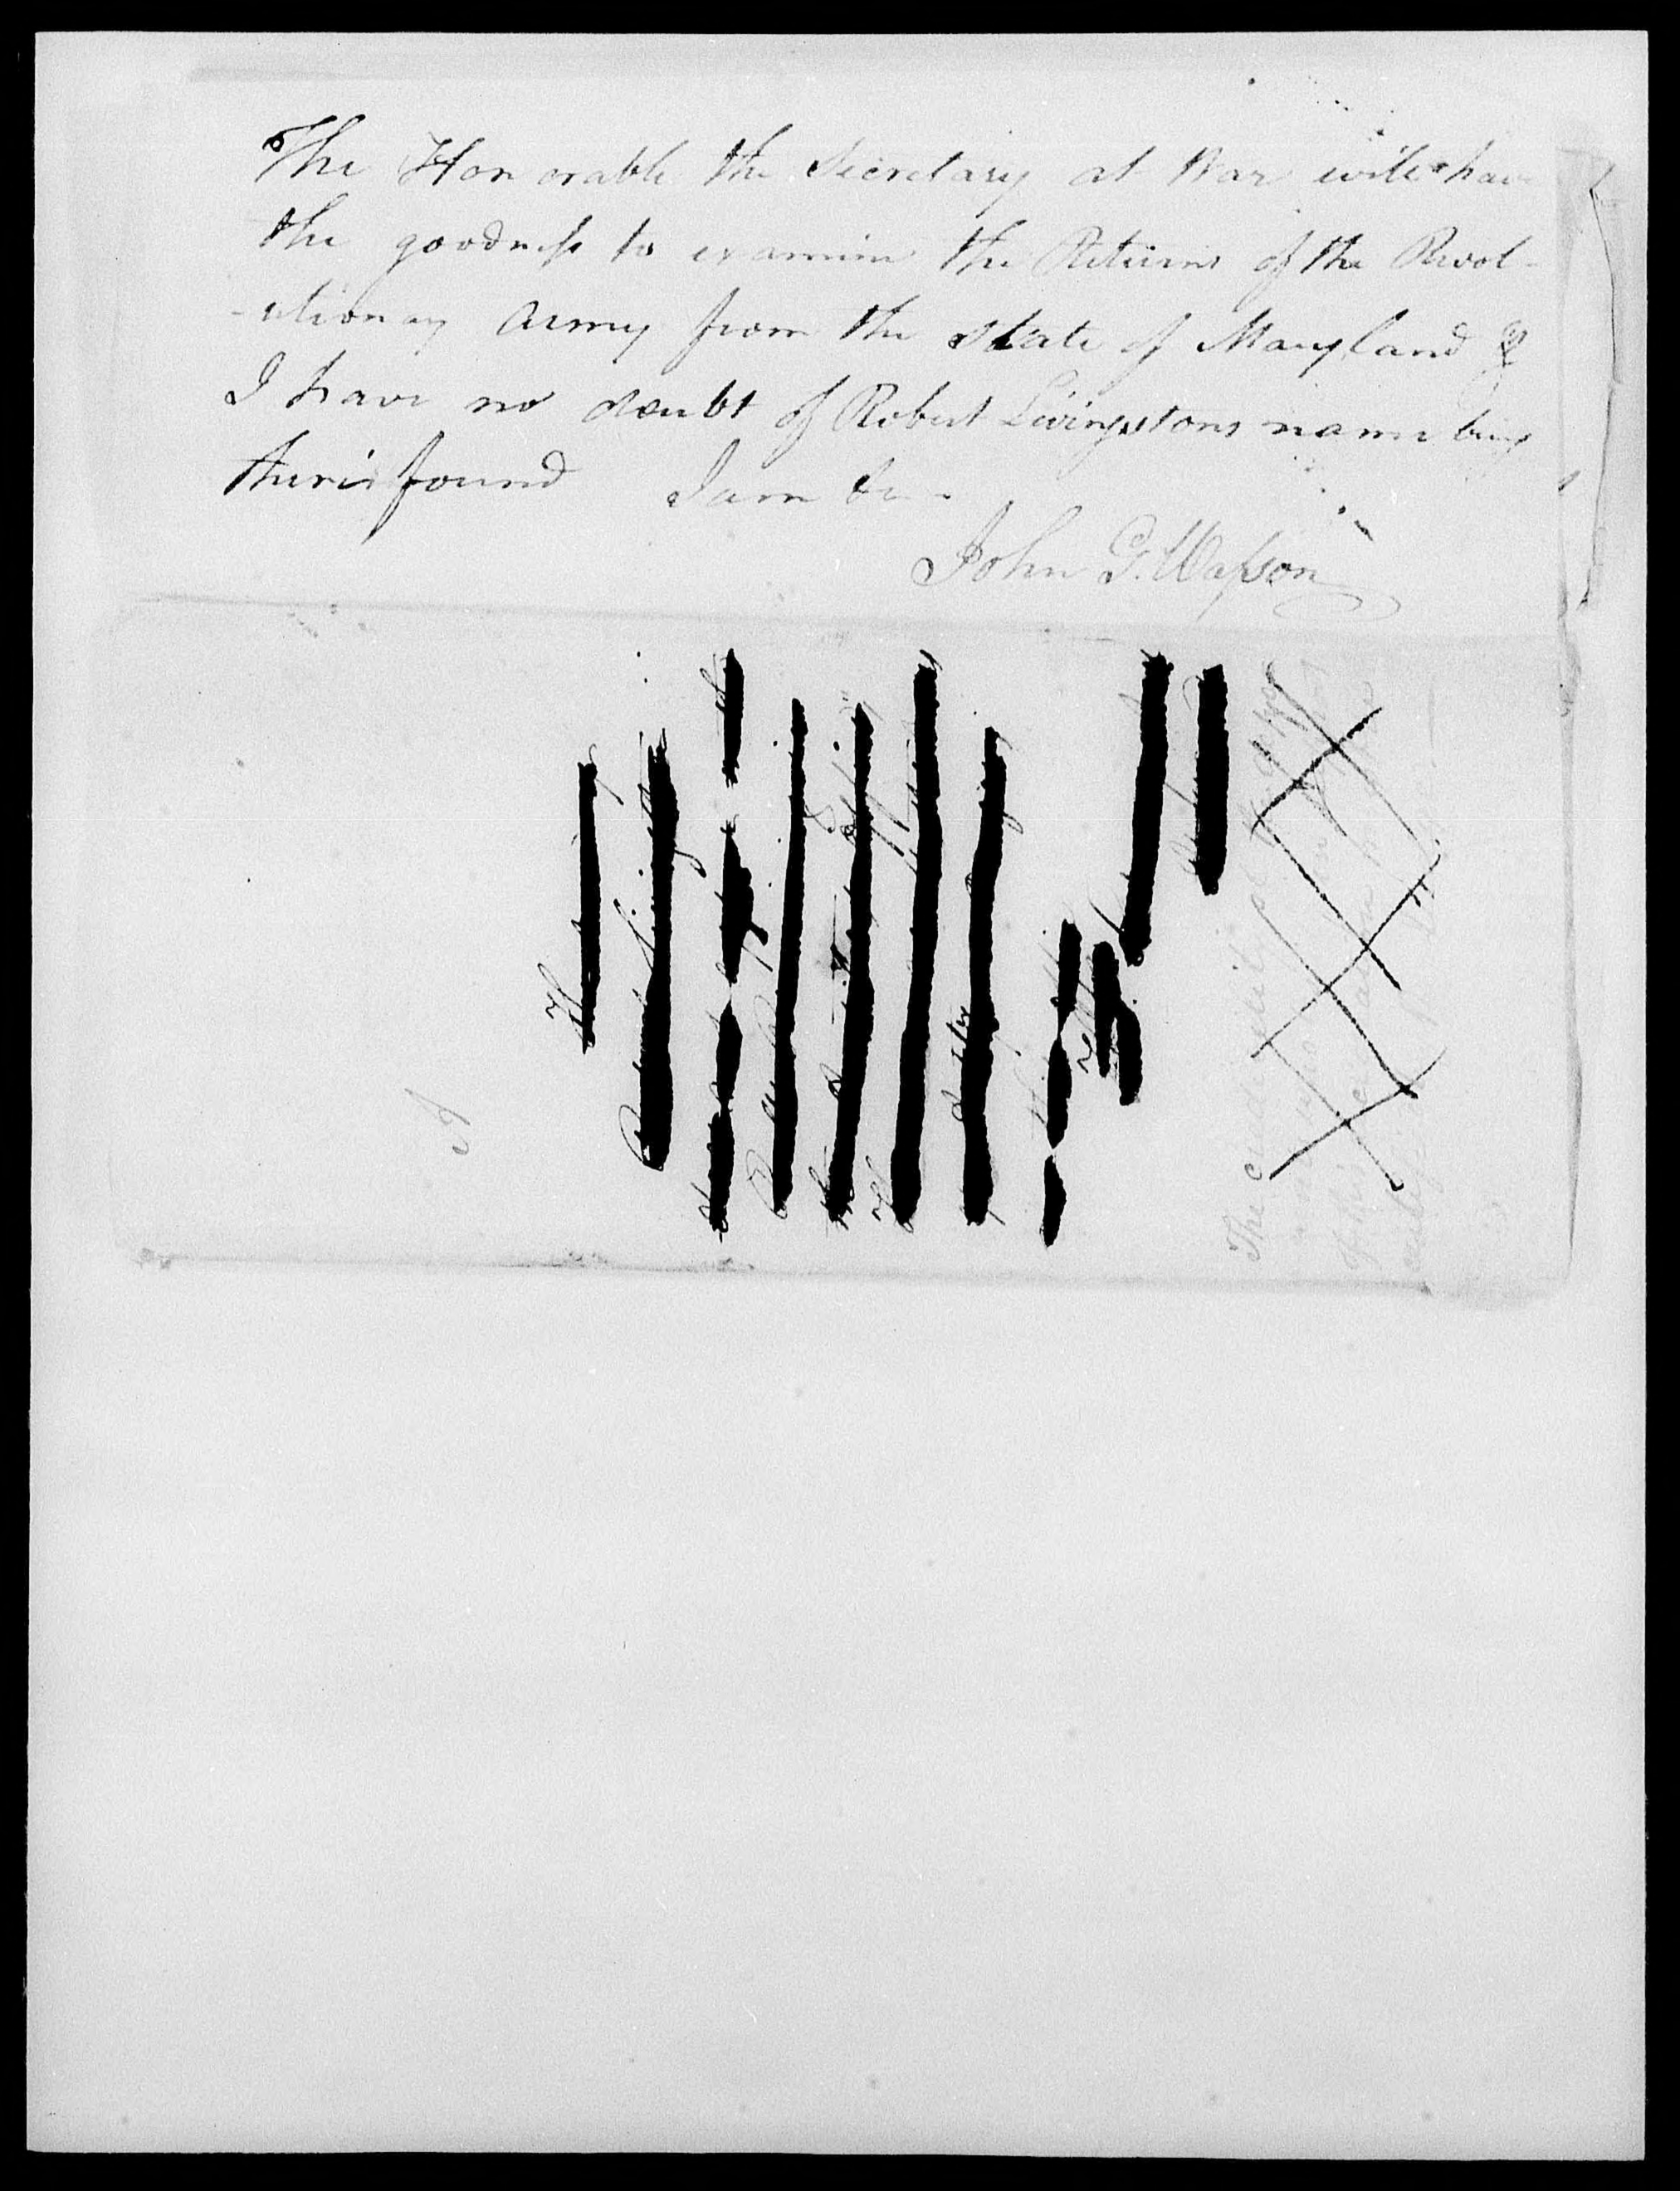The Honorable the Secretary of War will have the goodness to examine the Returns of the Revolutionary Army from the State of Maryland I have no doubt of Robert Livingstons name being there found 

I am [illegible] John G. Wasson

[crossed out and illegible: a large block of handwritten text]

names: Robert Livingston; John G Wasson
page: 20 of 23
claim: survivor's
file: S 42874, for Robert Livingston, Maryland